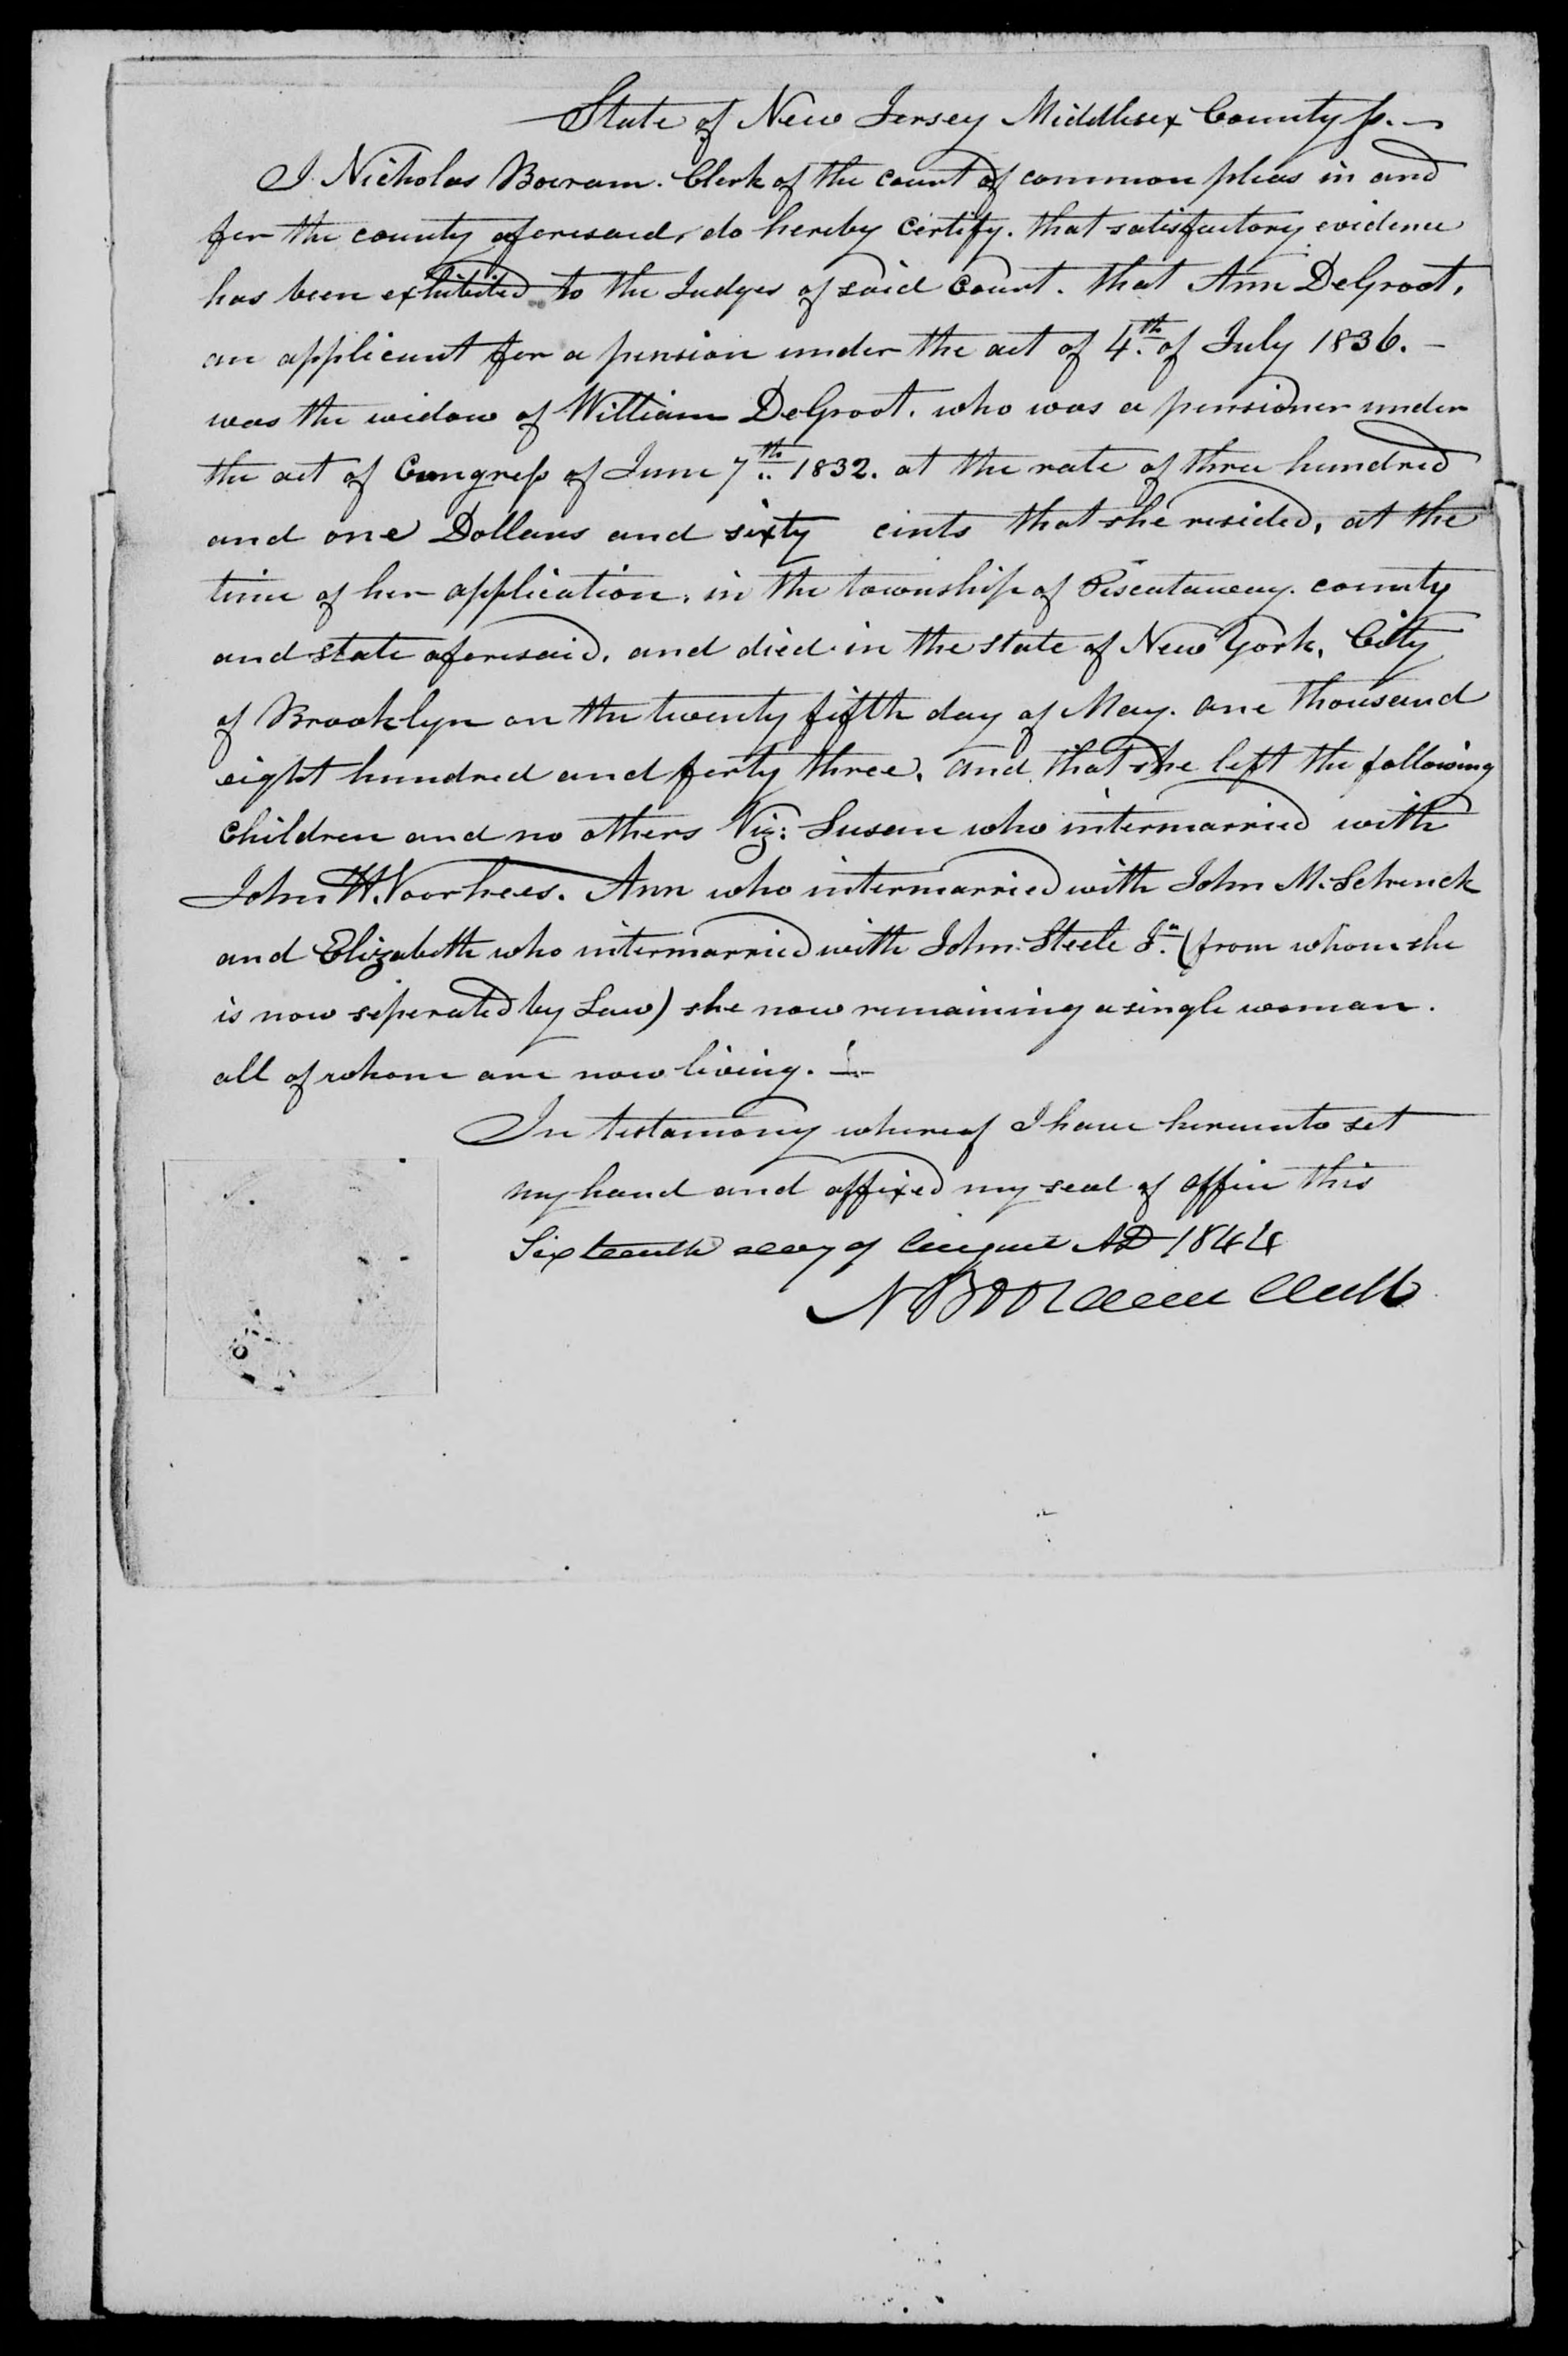State of New Jersey, Middlesex County Ss.-
I Nicholas Boeram, Clerk of the court of common pleas in and for the county aforesaid, do hereby certify that satisfactory evidence has been exhibited to the Judges of said court, that Ann DeGroot, an applicant for a pension under the act of 4th of July 1836. - was the widow of William DeGroot, who was a pensioner under the act of Congress of June 7th 1832. at the rate of three hundred and one Dollars and sixty cents that she resided, at the time of her application, in the township of Piscataway county and state aforesaid, and died in the state of New York, City of Brooklyn on the twenty fifth day of May one thousand eight hundred and forty three, and that she left the following children and no others Viz" Susan who intermarried with John W. Voorhees. Ann who intermarried with John M. Schenck and Elizabeth who intermarried with John Steele (from whom she is now separated by law) she now remaining a single woman. all of whom are now living.-
  In testimony whereof I have hereunto set my hand and affixed my seal of office this sixteenth day of August AD 1844 
N Booraem Clerk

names: John M Schenck, John H Voorhees, John Steele, N Booraem, Nicholas Boeram, Elizabeth, Ann De Groot, Susan, Ann, William De Groot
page: 14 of 77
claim: widow's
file: W. 417, William De Groot, New Jersey